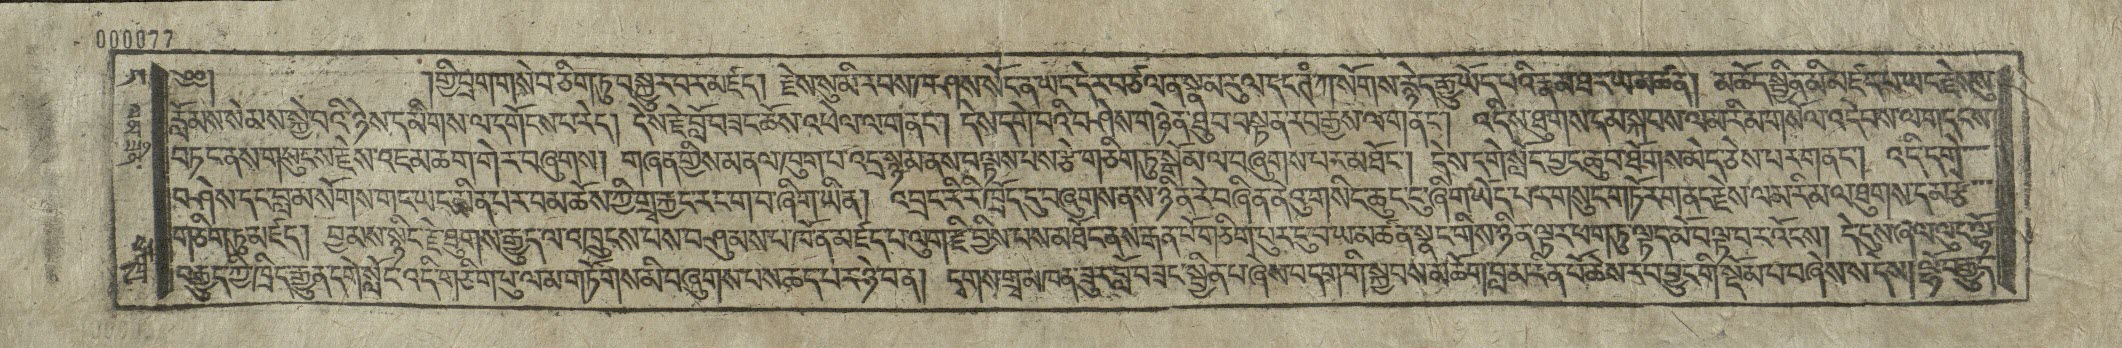༄༅། །གྱི་བྲག་གསེབ་ཅིག་ཏུ་བསྐྱུར་བར་མཛད། རྗེས་སུ་མི་རབས་ཁ་ཤས་སོང་ན་ཡང་དེར་བཙལ་ན་སྣམ་རུལ་དང་ཊཾ་ཀ་སོགས་རྙེད་རྒྱུ་ཡོད་པའི་རྣམ་ཐར་ཡ་མཚན། མཆོད་སྦྱིན་མི་མཛད་པ་ཡང་རྗེས་སུ་
རློམས་སེམས་སྐྱེ་བའི་ཉེས་དམིགས་ལ་དགོངས་པ་རེད། དེས་རྗེ་བློ་བཟང་ཆོས་འཕེལ་ལ་གནང་། དེས་དགེ་བའི་བཤེས་གཉེན་ཐུབ་བསྟན་རབ་རྒྱས་ལ་གནང་། འདིས་ཐུགས་དམ་སྐབས་ལམ་རིམ་གསོལ་འདེབས་ལ་གདངས་
བཏང་ནས་གསུངས་རྗེས་འཇམ་ཆག་གེར་བཞུགས། གཞན་གྱིས་མནལ་?་ཁུག་པ་འདྲ་སྙམ་ནས་བལྟས་པས་རྩེ་གཅིག་ཏུ་སྒོམ་ལ་བཞུགས་པར་མཐོང་། དེས་དགེ་སློང་བྱང་ཆུབ་ཐོགས་མེད་ཅེས་པར་གནང་། འདི་དགེ་
བཤེས་དང་བླ་མ་སོགས་གང་ཡང་མིན་པར་བམ་ཆོས་ཀྱི་གྲྭ་རྐྱང་རང་ག་བ་ཞིག་ཡིན། འབྲང་རི་རི་ཁྲོད་དུ་བཞུགས་ནས་ཉིན་རེ་བཞིན་ནེའུ་གསིང་ཆུང་དུ་ཞིག་ཡོད་པར་གསུང་གཏོར་གནང་རྗེས་ལམ་རིམ་ལ་ཐུགས་དམ་རྩེ་
གཅིག་ཏུ་མཛད། བྱམས་སྙིང་རྗེ་ཐུགས་རྒྱུད་ལ་འཁྲུངས་པས་བཤུམས་པ་ཁོ་ན་མཛད་པ་ལུག་རྫི་བྱིས་པས་མཐོང་ནས་རྒན་པོ་གཅིག་པུར་དུ་བ་ཡ་མཚན་སྣང་གིས་ཉིན་ལྟར་ཕག་ཏུ་ལྟད་མོ་བལྟ་བར་འོངས། དེ་དུས་ཞལ་ལུང་ལྷོ་
བརྒྱུད་ཀྱི་ཁྲིད་རྒྱུན་དགེ་སློང་འདི་གཅིག་པུ་ལ་མ་གཏོགས་མི་བཞུགས་པས་ཆད་པར་ཉེ་བ་ན། དྭགས་གྲྭ་མཁན་ཟུར་བློ་བཟང་སྦྱིན་པ་ཞེས་བདག་གི་སྐྱབས་མཆོག་བླ་མ་རིན་པོ་ཆེས་རབ་བྱུང་གི་སྡོམ་པ་བཞེས་ས་དེས། ལྷོ་བརྒྱུད་